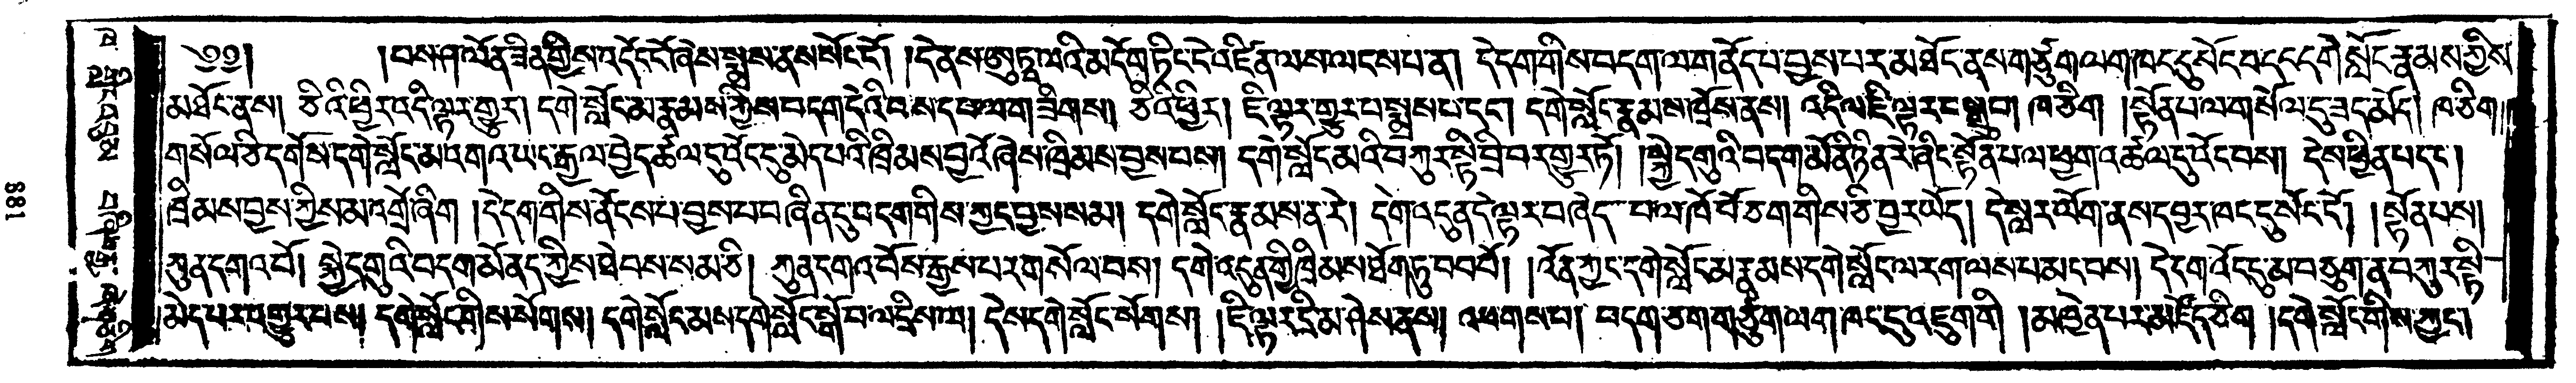༄༅། །པས་ཤ་ལོན་ཟིན་གྱིས་འདོང་ངོ་ཞེས་སྨྲས་ནས་སོང་ངོ། །དེ་ནས་ཨུཏྦ་ལའི་མདོག་ཏིང་ངེ་འཛིན་ལས་ལངས་པ་ན། དེ་དག་གིས་བདག་ལ་གནོད་པ་བྱས་པར་མཐོང་ནས་གཙུག་ལག་ཁང་དུ་སོང་བ་དང་དགེ་སློང་རྣམས་ཀྱིས་
མཐོང་ནས། ཅིའི་ཕྱིར་འདི་ལྟར་གྱུར། དགེ་སློང་མ་རྣམས་ཀྱིས་བདག་དེའི་བས་དཔལ་གཟིགས། ཅིའི་ཕྱིར། ཇི་ལྟར་གྱུར་པ་སྨྲས་པ་དང་། དགེ་སློང་རྣམས་ཁྲོས་ནས། འདི་ལ་ཇི་ལྟར་བསྒྲུབ། ཁ་ཅིག །སྟོན་པ་ལ་གསོལ་དུ་ཟད་མོད། ཁ་ཅིག།
གསོལ་ཅི་དགོས་དགེ་སློང་མ་འགའ་ཡང་རྒྱལ་བྱེད་ཚལ་དུ་འོང་དུ་མེད་པའི་ཁྲིམས་བྱའོ་ཞེས་ཁྲིམས་བྱས་པས། དགེ་སློང་མའི་བཀུར་སྟི་བྲི་བར་གྱུར་ཏོ། །སྐྱེ་དགུའི་བདག་མོ་ནི་ཉིན་རེ་ཞིང་སྟོན་པ་ལ་ཕྱག་འཚལ་དུ་འོང་བས། དེས་ཕྱིན་པ་དང་།
ཁྲིམས་བྱས་ཀྱིས་མ་འགྲོ་ཞིག །དེ་དག་གིས་ནོངས་པ་བྱས་པ་བཞིན་དུ་བདག་གིས་ཀྱང་བྱས་སམ། དགེ་སློང་རྣམས་ན་རེ། དགེ་འདུན་དེ་ལྟར་བཞེད་པ་ལ་ཁོ་བོ་ཅག་གིས་ཅི་བྱར་ཡོད། དེ་སླར་ལོག་ནས་དབྱར་ཁང་དུ་སོང་ངོ། །སྟོན་པས།
ཀུན་དགའ་བོ། སྐྱེ་དགུའི་བདག་མོ་ནད་ཀྱིས་ཐེབས་སམ་ཅི། ཀུན་དགའ་བོས་རྒྱས་པར་གསོལ་བས། དགེ་འདུན་གྱི་ཁྲིམས་ཐོག་ཏུ་བབ་བོ། །འོན་ཀྱང་དགེ་སློང་མ་རྣམས་དགེ་སློང་ལ་རག་ལས་པ་མང་བས། དེ་དག་འོང་དུ་མ་བཅུག་ན་བཀུར་སྟི་
མེད་པར་འགྱུར་པས། དགེ་སློང་གིས་སོགས། དགེ་སློང་མས་དགེ་སློང་སྒོ་བ་ལ་དྲིས་ལ། དེས་དགེ་སློང་སོགས། །ཇི་ལྟར་དྲི་མ་ཤེས་ནས། འཕགས་པ། བདག་ཅག་གཙུག་ལག་ཁང་དུ་འཇུག་གི །མཁྱེན་པར་མཛོད་ཅིག །དགེ་སློང་གིས་ཀྱང་།